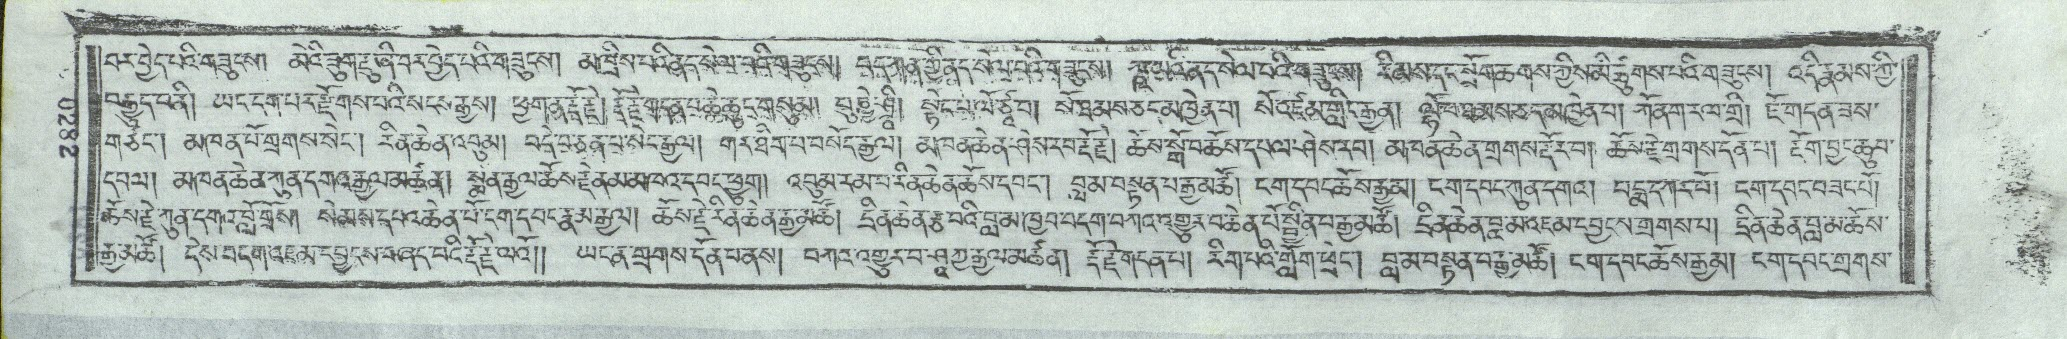བར་བྱེད་པའི་གཟུངས། མེའི་ཟུག་རྡུ་ཞི་བར་བྱེད་པའི་གཟུངས། མཁྲིས་པའི་ནད་སེལ་བའི་གཟུངས། བད་ཀན་གྱི་ནད་སེལ་བའི་གཟུངས། ཀྵ་ཡའི་ནད་སེལ་བའི་གཟུངས། རིམས་དང་སྲོག་ཆགས་ཀྱིས་མི་ཚུགས་པའི་གཟུངས། འདི་རྣམས་ཀྱི་
བརྒྱུད་པ་ནི། ཡང་དག་པར་རྫོགས་པའི་སངས་རྒྱས། ཕྱག་ན་རྡོ་རྗེ། རྡོ་རྗེ་གདན་པ་ཆེ་ཆུང་གསུམ། པུཎྱེ་ཤྲཱི། སྟེང་པ་ལོ་ཙཱ་བ། སོ་ཐམས་ཅད་མཁྱེན་པ། སོ་འཛམ་གླིང་རྒྱན། ལྟོ་པ་ཐམས་ཅད་མཁྱེན་པ། ཀོ་ན་ག་རལ་གྲི། ཇོ་གདན་ཟས་
གཙང་། མཁན་པོ་གྲགས་སེང་། རིན་ཆེན་འབུམ། བདེ་བ་ཅན་པ་སེང་རྒྱལ། གར་ཐིག་པ་བསོད་རྒྱལ། མཁན་ཆེན་ཤེས་རབ་རྡོ་རྗེ། ཆོས་སྒྲོ་བ་ཆོས་དཔལ་ཤེས་རབ། མཁན་ཆེན་གྲགས་རྡོར་བ། ཆོས་རྗེ་གྲགས་དོན་པ། རྡོག་བྱང་ཆུབ་
དཔལ། མཁན་ཆེན་ཀུན་དགའ་རྒྱལ་མཚན། སྨན་རྒྱལ་ཆོས་རྗེ་ན་མ་མཁའ་དབང་ཕྱུག། འབུམ་རམ་པ་རིན་ཆེན་ཆོས་དབང་། བླ་མ་བསྟན་པ་རྒྱ་མཚོ། ངག་དབང་ཆོས་རྒྱུ་མ། ངག་དབང་ཀུན་དགའ། པདམ་དཀར་པོ། ངག་དབང་བཟང་པོ།
ཆོས་རྗེ་ཀུན་དགའ་བློ་གྲོས། སེམས་དཔའ་ཆེན་པོ་ངག་དབང་རྣམ་རྒྱལ། ཆོས་རྗེ་རིན་ཆེན་རྒྱ་མཚོ། དྲིན་ཆེན་རྩ་བའི་བླ་མ་ཁྱབ་བདག་བཀའ་འགྱུར་བ་ཆེན་པོ་སྦྱིན་པ་རྒྱ་མཚོ། དྲིན་ཆེན་བླ་མ་འཇམ་དབྱངས་གྲགས་པ། དྲིན་ཆེན་བླ་མ་ཆོས་
རྒྱ་མཚོ། དེས་བདག་འཇམ་དབྱངས་བཞད་པའི་རྡོ་རྗེ་ལའོ།། ཡང་ན་གྲགས་དོན་པ་ནས། བཀའ་འགྱུར་བ་ཤཱཀྱ་རྒྱལ་མཚན། རྡོ་རྗེ་གདན། རིག་པའི་གློག་ཕྲེང་། བླ་མ་བསྟན་པ་རྒྱ་མཚོ། ངག་དབང་ཆོས་རྒྱལ། ངག་དབང་གྲགས་